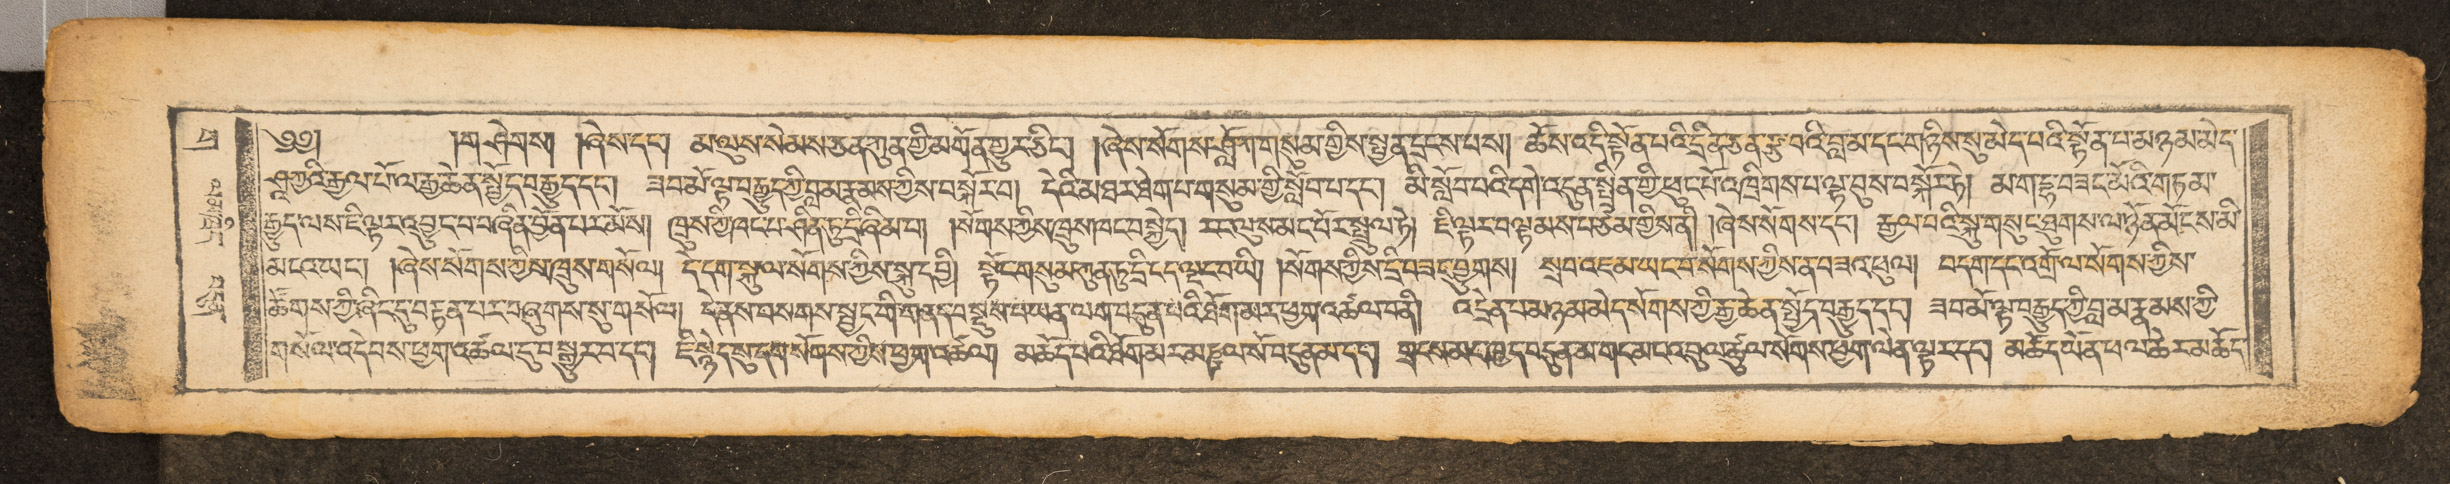༄༅། །གཤེགས། །ཞེས་དང་། མ་ལུས་སེམས་ཅན་ཀུན་གྱི་མགོན་གྱུར་ཅིང་། །ཞེས་སོགས་ཤློཀ་གསུམ་གྱིས་སྤྱན་དྲངས་པས། ཆོས་འདི་སྟོན་པའི་དྲིན་ཅན་རྩ་བའི་བླ་མ་དང་གཉིས་སུ་མེད་པའི་སྟོན་པ་མཉམ་མེད་
ཤཱཀྱའི་རྒྱལ་པོ་ལ་རྒྱ་ཆེན་སྤྱོད་བརྒྱུད་དང་། ཟབ་མོ་ལྟ་བརྒྱུད་ཀྱི་བླ་མ་རྣམས་ཀྱིས་བསྐོར་བ། དེའི་མཐར་ཐེག་པ་གསུམ་གྱི་སློབ་པ་དང་། མི་སློབ་པའི་དགེ་འདུན་སྤྲིན་གྱི་ཕུང་པོ་འཁྲིགས་པ་ལྟ་བུས་བསྐོར་ཏེ། མ་ག་དྷ་བཟང་མོའི་གཏམ་
རྒྱུད་ལས་ཇི་ལྟར་འབྱུང་བ་བཞིན་བྱོན་པར་མོས། ཁྲུས་ཀྱི་ཁང་པ་ཤིན་ཏུ་དྲི་ཞིམ་པ། །སོགས་ཀྱིས་ཁྲུས་ཁང་བསྐྱེད། རང་ལུས་མང་པོར་སྤྲུལ་ཏེ། ཇི་ལྟར་བལྟམས་པ་ཙམ་གྱིས་ནི། །ཞེས་སོགས་དང་། རྒྱལ་བའི་སྐུ་གསུང་ཐུགས་ལ་ཉོན་མོངས་མི་
མངའ་ཡང་། །ཞེས་སོགས་ཀྱིས་ཁྲུས་གསོལ། དེ་དག་སྐུ་ལ་སོགས་ཀྱིས་སྐུ་དབྱི། སྟོང་གསུམ་ཀུན་ཏུ་དྲི་ངད་ལྡང་བ་ཡི། །སོགས་ཀྱིས་དྲི་བཟང་བྱུགས། སྲབ་འཇམ་ཡང་པ་སོགས་ཀྱིས་ན་བཟའ་ཕུལ། བདག་དང་འགྲོ་ལ་སོགས་ཀྱིས་
ཚོགས་ཀྱི་ཞིང་དུ་བརྟན་པར་བཞུགས་སུ་གསོལ། དེ་ནས་བསགས་སྦྱང་གི་གནད་བསྡུས་པ་ཡན་ལག་བདུན་པའི་ཐོག་མར་ཕྱག་འཚལ་བ་ནི། འདྲེན་པ་མཉམ་མེད་སོགས་ཀྱི་རྒྱ་ཆེན་སྤྱོད་བརྒྱུད་དང་། ཟབ་མོ་ལྟ་བརྒྱུད་ཀྱི་བླ་མ་རྣམས་ཀྱི་
གསོལ་འདེབས་ཕྱག་འཚལ་དུ་བསྒྱུར་བ་དང་། ཇི་སྙེད་སུ་དག་སོགས་ཀྱིས་ཕྱག་འཚལ། མཆོད་པའི་ཐོག་མར་མཎྜལ་སོ་བདུན་མ་དང་། གྲངས་མང་ཁྱད་བདུན་མ་གང་མང་འབུལ་ཚུལ་སོགས་ཕྱག་ལེན་ལྟར་དང་། མཆོད་ཡོན་ཕལ་ཆེར་མཆོད་